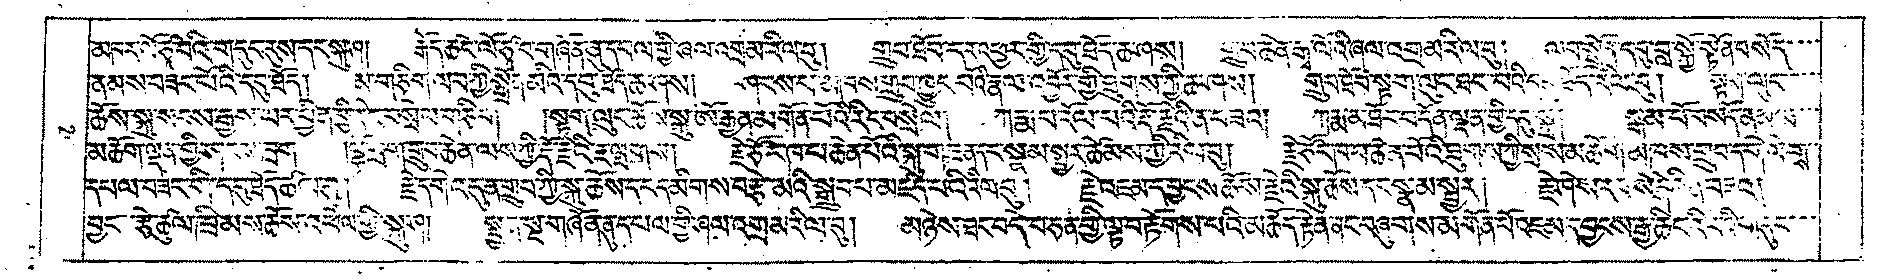མཁར་ལོ་ཙཱ་བའི་གདུང་རུས་དང་སྐུ་ཤ། རྒོད་ཚང་ལོ་ཙཱ་བ་གཞོན་ནུ་དཔལ་གྱི་ཞལ་འགྲམ་རིལ་བུ། གྲུབ་ཐོབ་དར་འཕྱར་གྱི་དབུ་ཐོད་ཆ་ཤས། གྲུབ་ཆེན་རྒྭ་ལོའི་ཞལ་འགྲམ་རིལ་བུ། ལབ་སྒྲོན་དབུ་བླ་སྐྱོ་སྟོན་བསོད་
ནམས་བཟང་པོའི་དབུ་ཐོད། མ་གཅིག་ལབ་ཀྱི་སྒྲོན་མའི་དབུ་ཐོད་ཆ་ཤས། ཤངས་པ་མཁས་གྲུབ་ཁྱུང་པོའི་རྣལ་འབྱོར་གྱི་ཐུགས་ཀྱི་ཆ་ཤས། གྲུབ་ཐོབ་སྟག་ལུང་ཐང་པའི་དབུ་ཐོད་རིལ་བུ། སྟག་ལུང་
ཆོས་སྐུ་སངས་རྒྱས་ཡར་བྱིན་གྱི་རིང་བསྲེལ་གཅིག །སྟག་ལུང་ཆོས་སྐུ་ཨོ་རྒྱན་མགོན་པོའི་རིང་བསྲེལ། ཀརྨ་པ་རོལ་པའི་རྡོ་རྗེའི་ན་བཟའ། ཀརྨ་མཐོང་བ་དོན་ལྡན་གྱི་དབུ་སྐྲ། སྒམ་པོ་བསོད་ནམས་
མཆོག་ལྡན་གྱི་ཤངས་ཁྲག །ལྷོ་བྲག་གྲུབ་ཆེན་ལས་ཀྱི་རྡོ་རྗེའི་རྔ་ལྤགས། རྗེ་ཙོང་ཁ་པ་ཆེན་པོའི་སྐུ་གཟན་དང་སྣམ་སྦྱར་ཚེམས་ཀྱི་རིལ་བུ། རྗེ་ཙོང་ཁ་པ་ཆེན་པོའི་ཐུགས་ཀྱི་སྲས་མཆོག་མཁས་གྲུབ་དགེ་ལེགས་
དཔལ་བཟང་གི་དབུ་ཐོད་ཚལ་བུ། རྗེ་དགེ་འདུན་གྲུབ་ཀྱི་སྐུ་ཆོས་དང་དམིགས་བརྩེ་མའི་སྒྲུབ་པ་མཛད་པའི་རིལ་བུ། རྗེ་འཇམ་དབྱངས་ཆོས་རྗེའི་སྐུ་ཆོས་དང་སྣམ་སྦྱར། རྗེ་ཤེས་རབ་སེངྒེའི་ན་བཟའ།
བྱང་རྩེ་ཚུལ་ཁྲིམས་ཆོས་འཕེལ་གྱི་སྐུ་ཤ། སྤྱན་སྔ་གཞོན་ནུ་དཔལ་གྱི་ཞལ་འགྲམ་རིལ་བུ། མཉེས་ཐང་བདེ་བ་ཅན་གྱི་ལྟ་བ་རྟོགས་པའི་མཆོད་རྟེན་ནང་བཞུགས་མགོན་པོ་འཇམ་དབྱངས་རྒྱ་ཆིང་རི་བའི་གདུང་